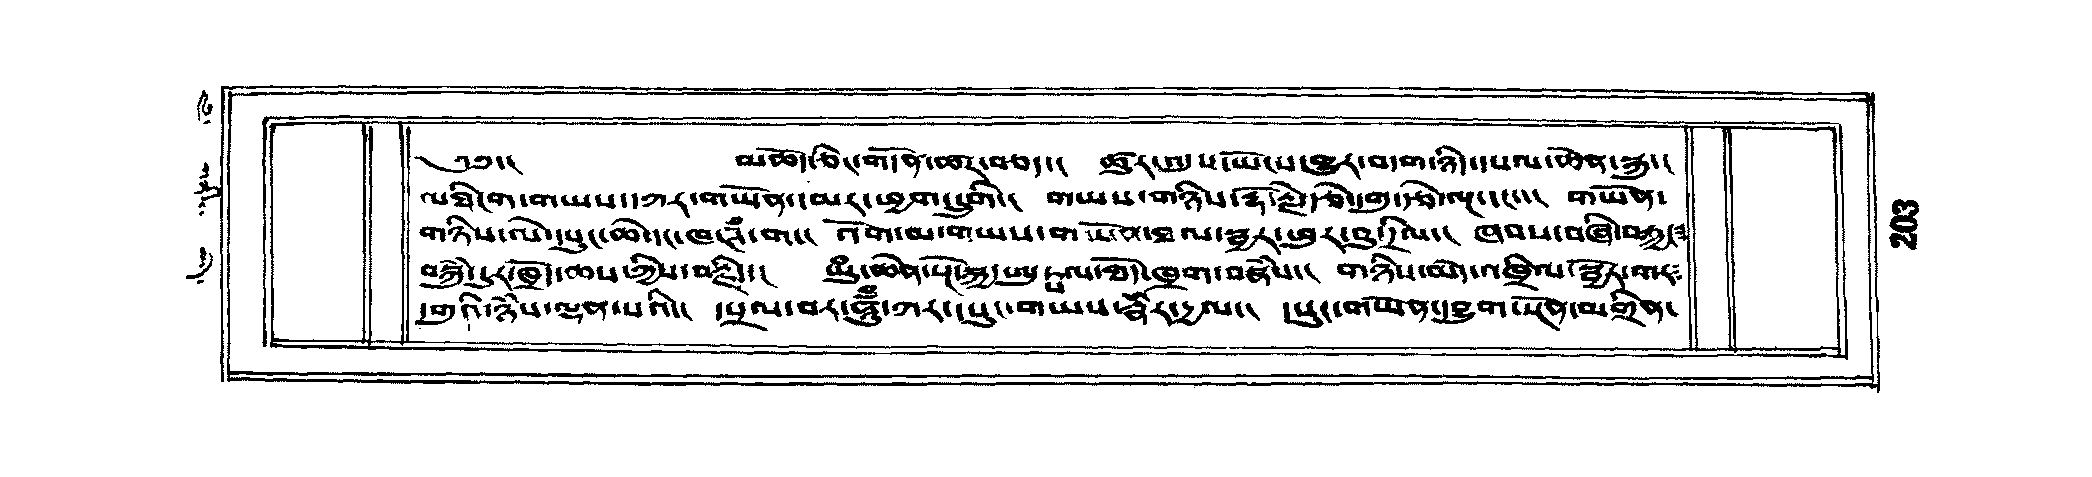མཆོད་ཅིང་གདོན་ཆགས་བཅད། ཚུར་འདུས་ཡོངས་གྱུར་བདག་ཉིད་དཔལ་ཆེན་སྐུ། 
མཐིང་ནག་གཡས་དཀར་གཡོན་དམར་ཕྱག་དྲུག་གི། གཡས་གཉིས་རྡོ་རྗེ་རྩེ་དགུ་རྩེ་ལྔ་དང་། གཡོན་
གཉིས་མེ་དཔུང་ཆེ་དང་ཁ་ཊྃ་ག འོག་མ་གཡས་གཡོན་ཐལ་སྦྱར་ཕུར་བུ་དྲིལ། ཞབས་བཞི་བརྐྱང་
བསྐུམ་དུར་ཁྲོད་ཆས་ཀྱིས་བརྗིད། ཡུམ་ཆེན་སྔོ་སྐྱ་ཨུཏྤལ་ཐོད་ཁྲག་བསྣམས། གཉིེས་མེད་འཁྲིལ་སྦྱོར་གར་
དགུའི་ཉམས་ལྡན་པའི། དཔྲལ་བར་ཧཱུྃ་ཀར་དཔུང་གཡས་རྣམ་པར་རྒྱལ། དཔུང་གཡོན་དབྱུག་སྔོན་མགྲིན་